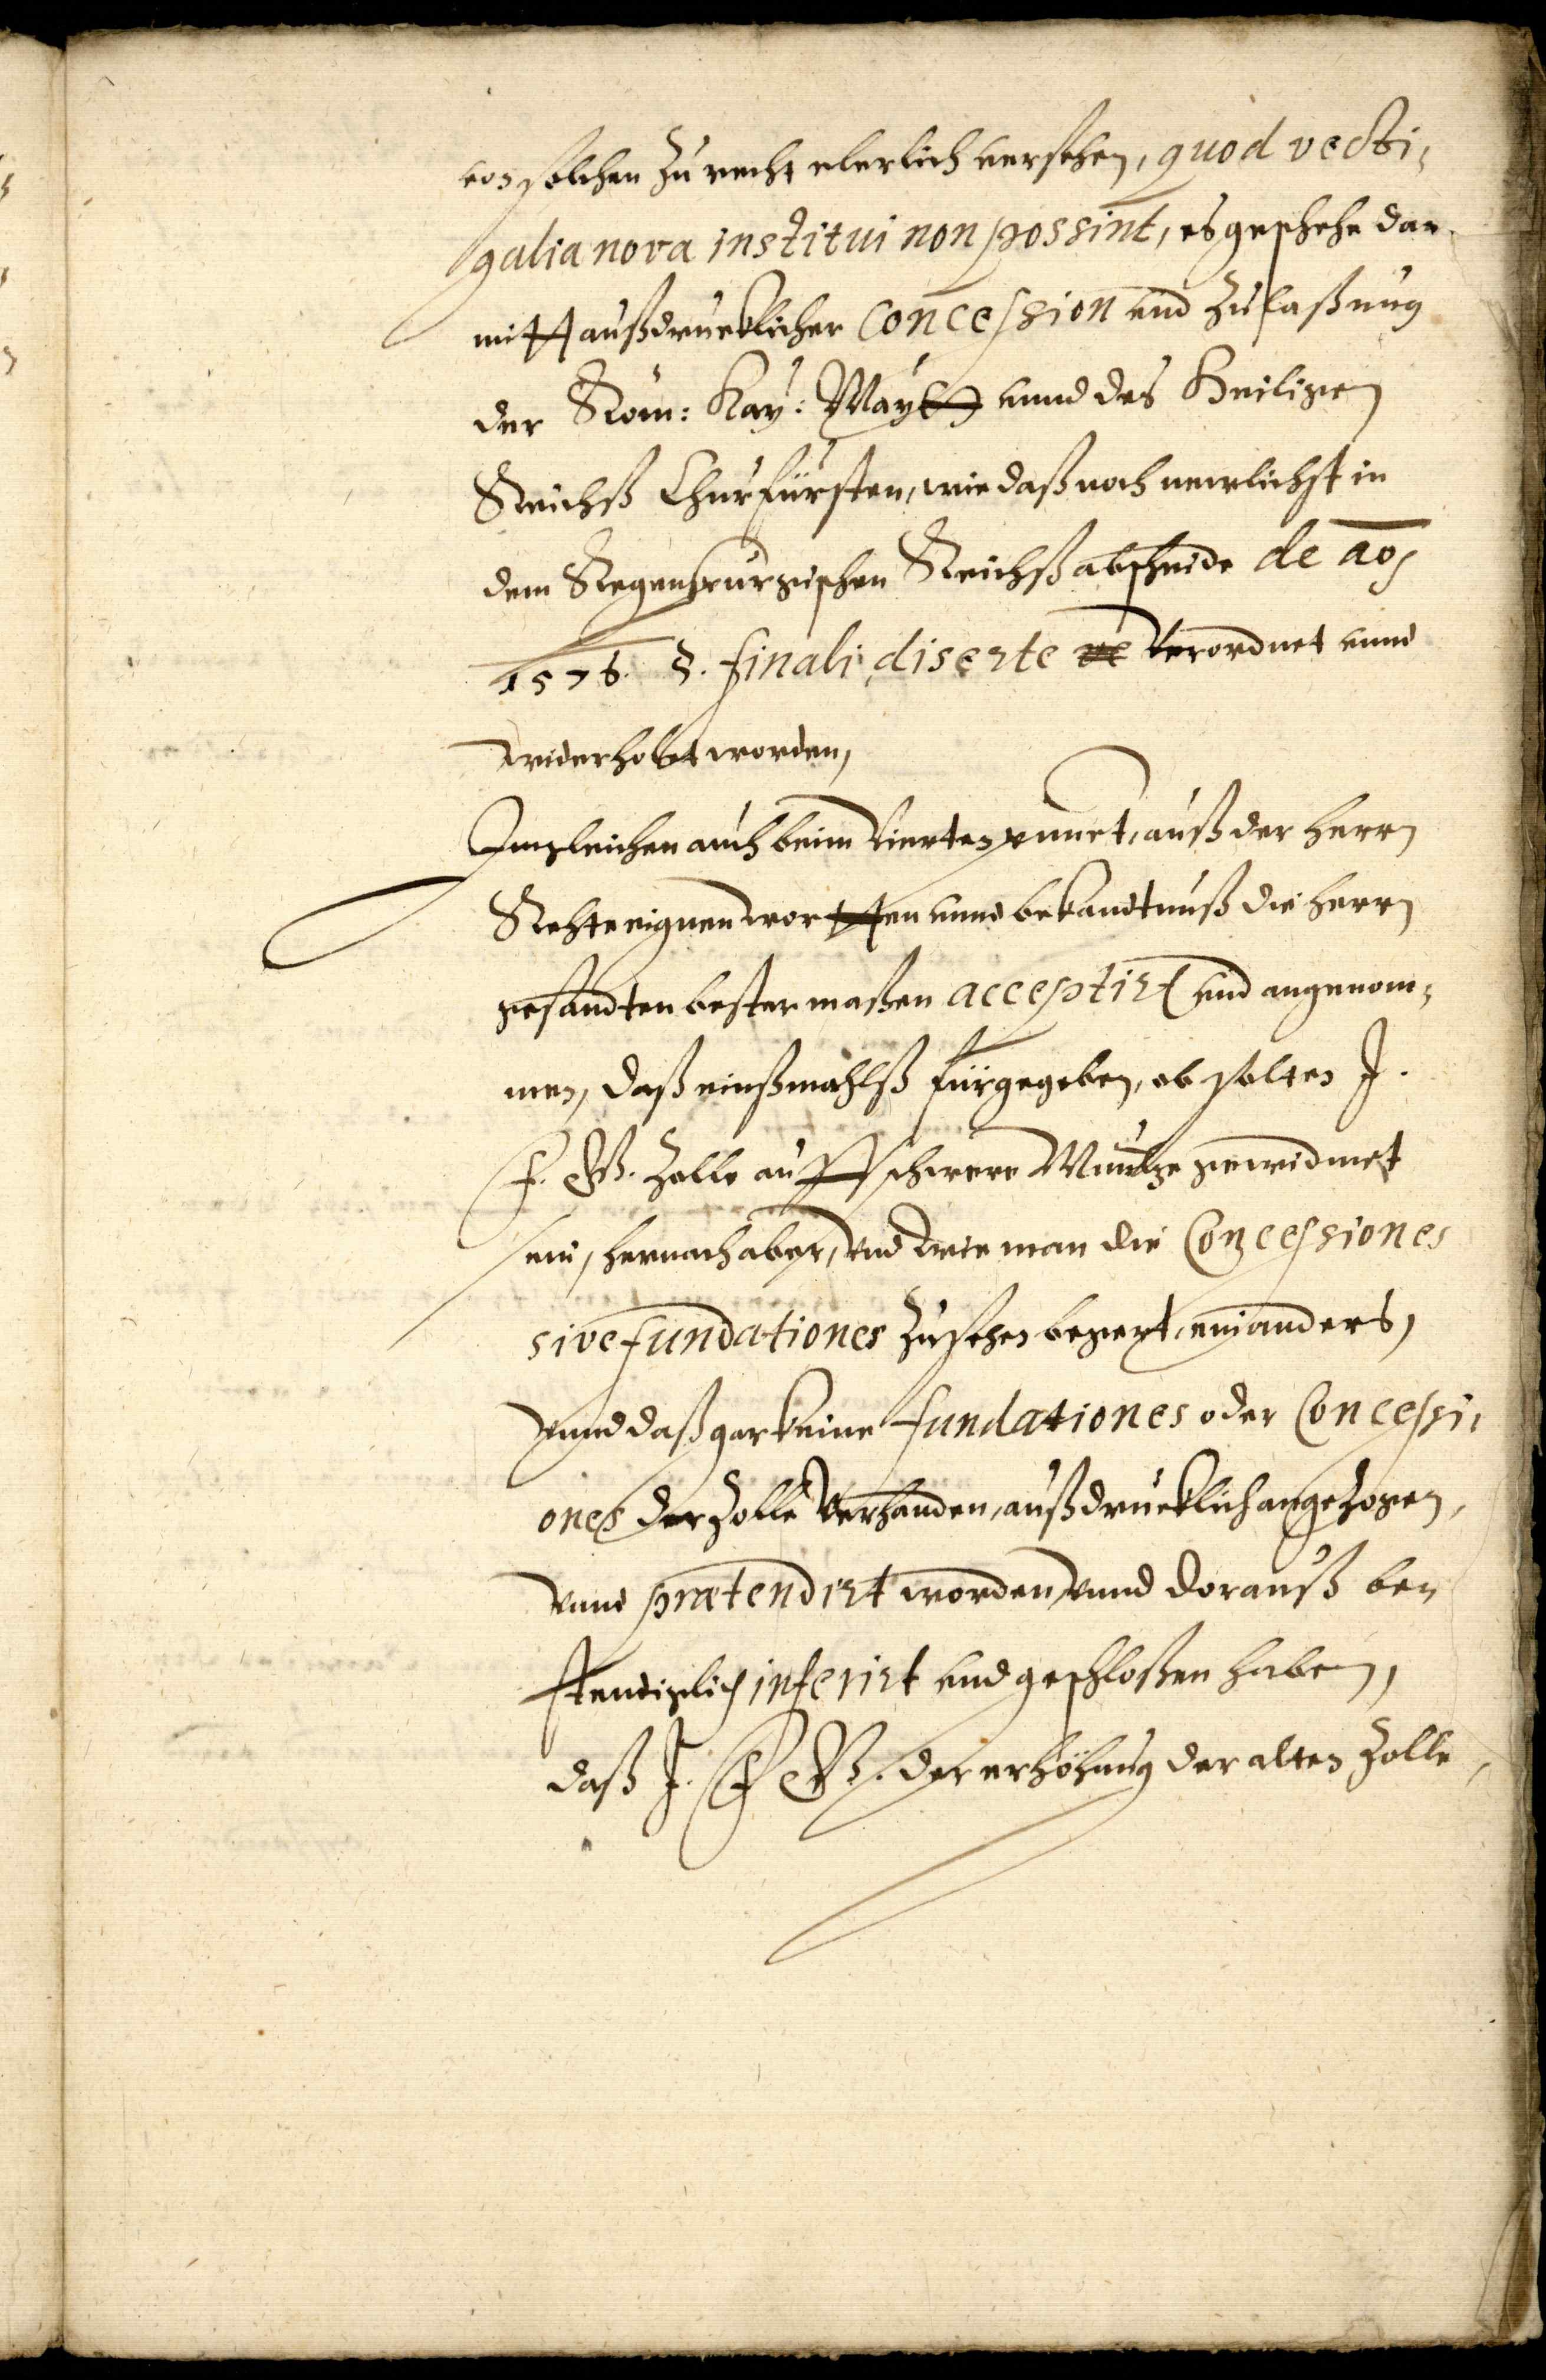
von solchen zu recht clerlich versehen, quod vecti¬
galia nova institui non prossint, es geschehe dan
mitt außdrucklicher concession vnd zulaßung
der Röm: Kay: Maytt vnnd des Heiligen
Reichß Churfürsten, wie daß noch newlichst in
dem Regenspurgischen Reichß abscheide de anno p
1576. § finali diserte ve verordnet vnnd
widerholet worden,
Imgleichen auch beim Vierten punct, auß der herrn
Rehte eignen wortten vnnd bekandtnuß die herrn
gesandten bester maßen acceptirt vnd angenom¬
men, daß einßmahlß fürgegeben, ob solten I.
F. G. Zolle auff schwere Muntze gewidmet
sein, hernach aber, vnd wie man die Concessiones
sive fundationes zusehen begert, einanders,
vnnd daß gar keine fundationes oder Concessi¬
ones der Zolle verhanden, außdrucklich angezogen,
vnnd praetendirt worden vnnd dorauß be¬
stendiglich inferirt vnd geschloßen haben,
daß I. F. G. der erhöhung der alten Zolle,
